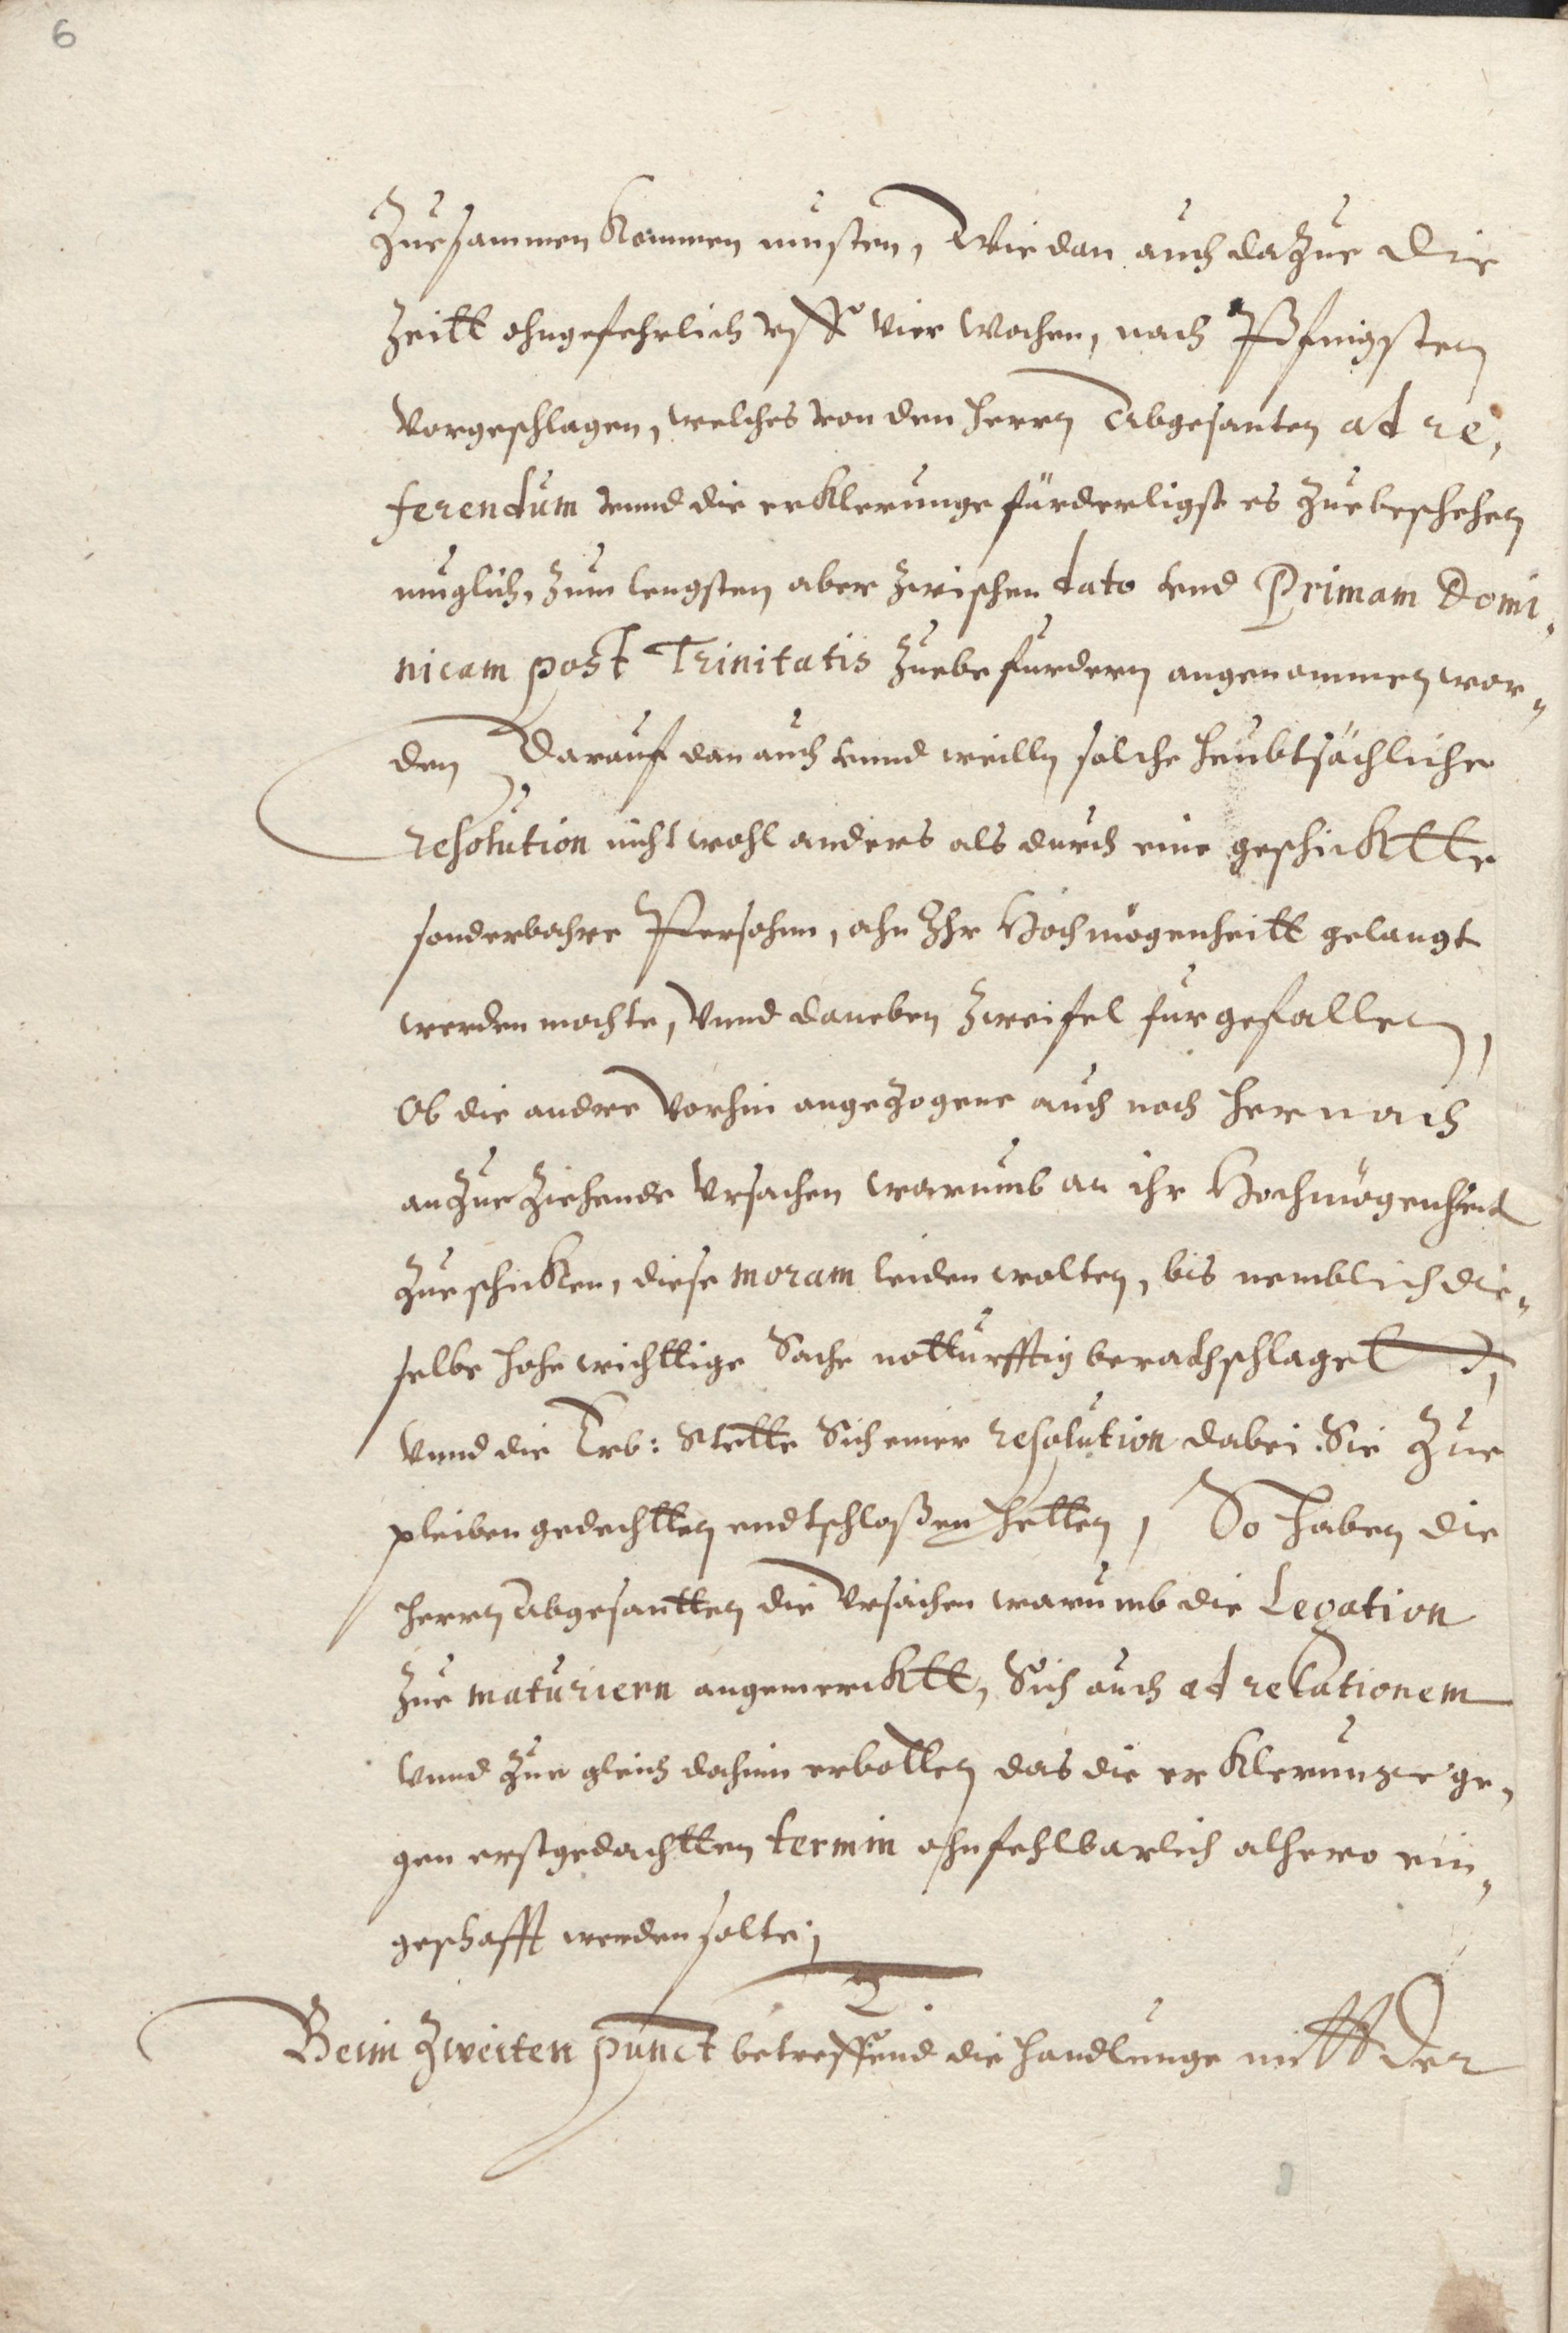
zuesammen kommen musten, Wie dan auch dazue die
zeitt ohngefehrlich vff vier wochen, nach Pfingsten
vorgeschlagen, welches von den Herrn Abgesanten at re¬
ferendum vnnd die erklerunge fürderligst es zuebeschehen
muglich, zum lengsten aber zwischen dato vnd Primam Domi¬
nicam post Trinitatis zuebefurdern angenommen wor¬
den Darauf dan auch vnnd weilln solche heubtsächliche
resolution nicht wohl anders als durch eine geschicktte
sonderbahre Persohnn, ahn Ihr Hochmögenheitt gelangt
werden mochte, vnnd daneben Zweifel fur gefallen,
Ob die ander vorhin angezogene auch noch hernach
anzueziehende Vrsachen worumb an ihr Hochmögenheit
zueschicken, diese moram leiden wolten, bis nemblich die¬
selbe hohe wichttige Sache notturffig berathschlagett,
vnnd die Erb: Stette sich einer resolution dabei Sie zue
pleiben gedechtten endtschloßen hetten, So haben die
herrn Abgesantten die vrsachen warumb die Legation
zue maturiern angemercktt, Sich auch ad relationem
vnnd zue gleich dahinn erbotten das die erklerungen ge¬
gen erstgedachtten termin ohnfehlbarlich alhero ein¬
geschaftt werden solte;
2.
Beim Zweiten punct betreffend die handlunge mitt der
